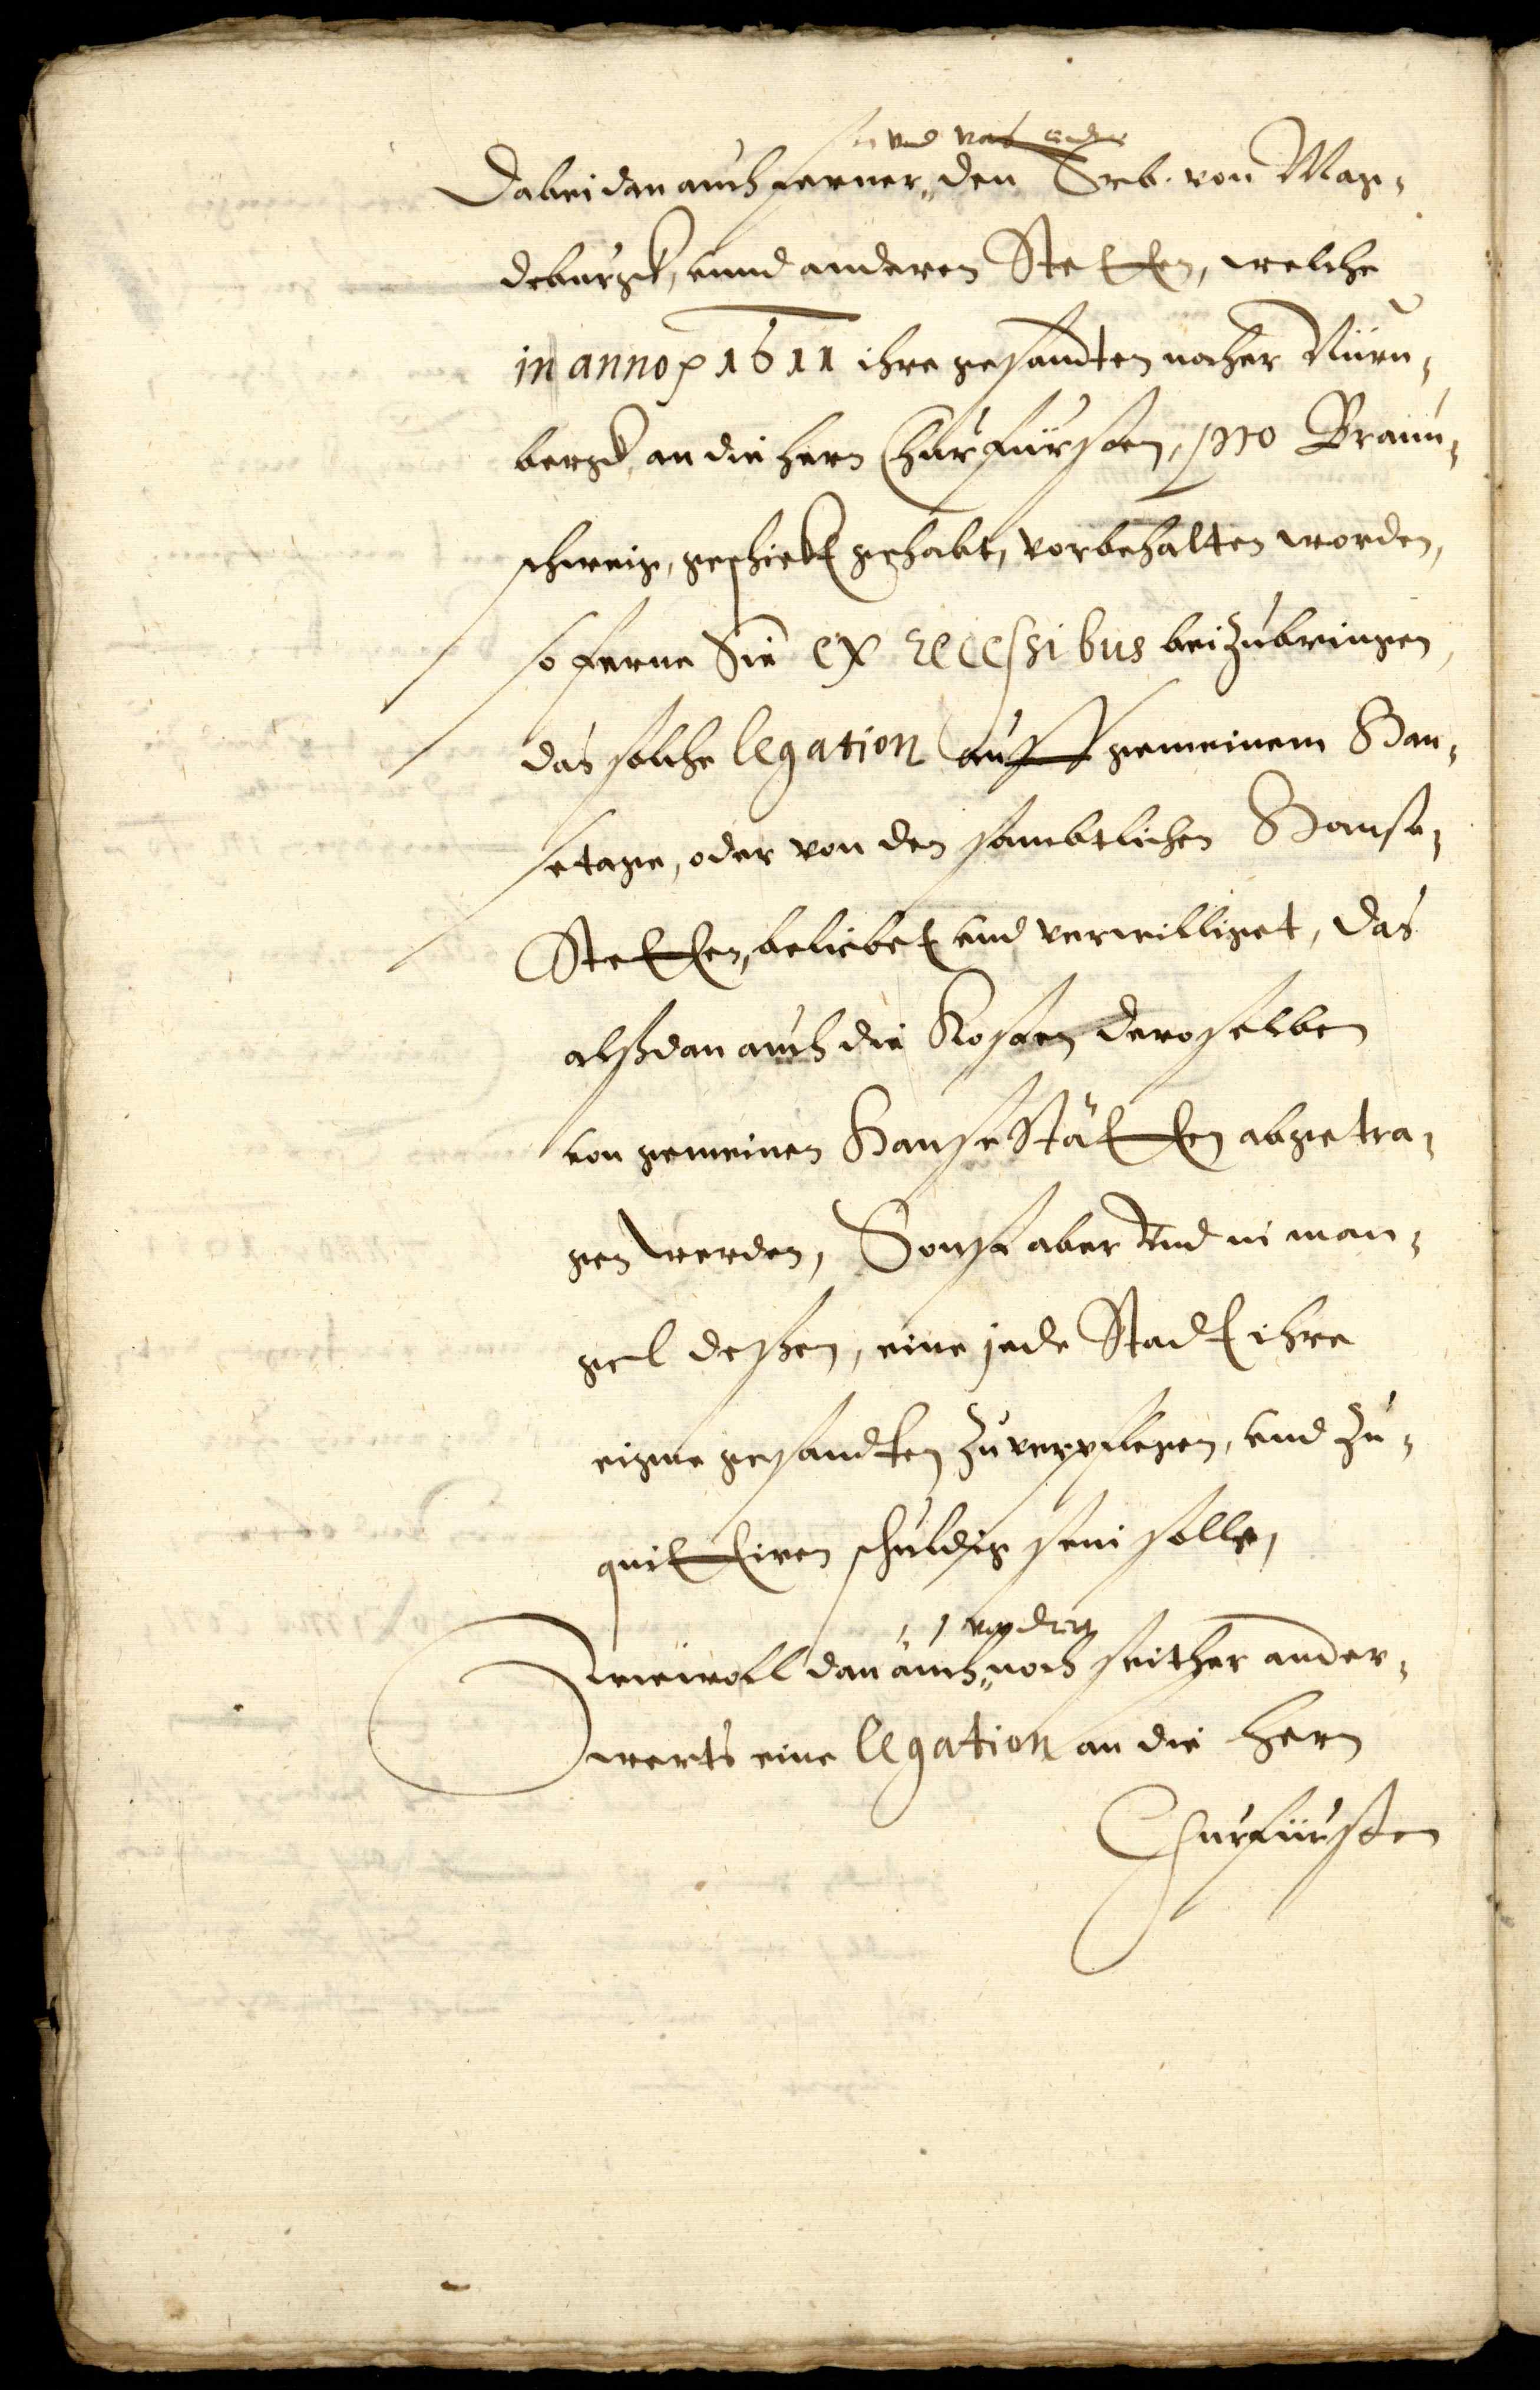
* vnd was ander
dabei dan auch ferner * den Erb. von Mag¬
deburgk, vnnd anderen Stetten, welche
in anno p 1611 ihre gesandten naher Nürn¬
bergk, an die hern Churfürsten, pro Braun¬
schweig, geschickt gehabt, vorbehalten worden,
so ferner Sie ex recessibus beiZubringen
das solche legation auff gemeinem Han¬
setage, oder von den sambtlichen Hanse¬
Stetten, beliebet vnd verwilliget, das
alßdan auch die Kosten deroselben
von gemeinen HanseStätten abgetra¬
gen werden, Sonst aber Vnd in man¬
gel deßen, eine jede Stadt ihre
eigne gesandten Zu verpflegen, vnd Zu¬
qittiren schuldig sein sollle
* von den
Wiewoll dan auch * noch seither ander¬
werts eine legation an die hern
Churfürsten
